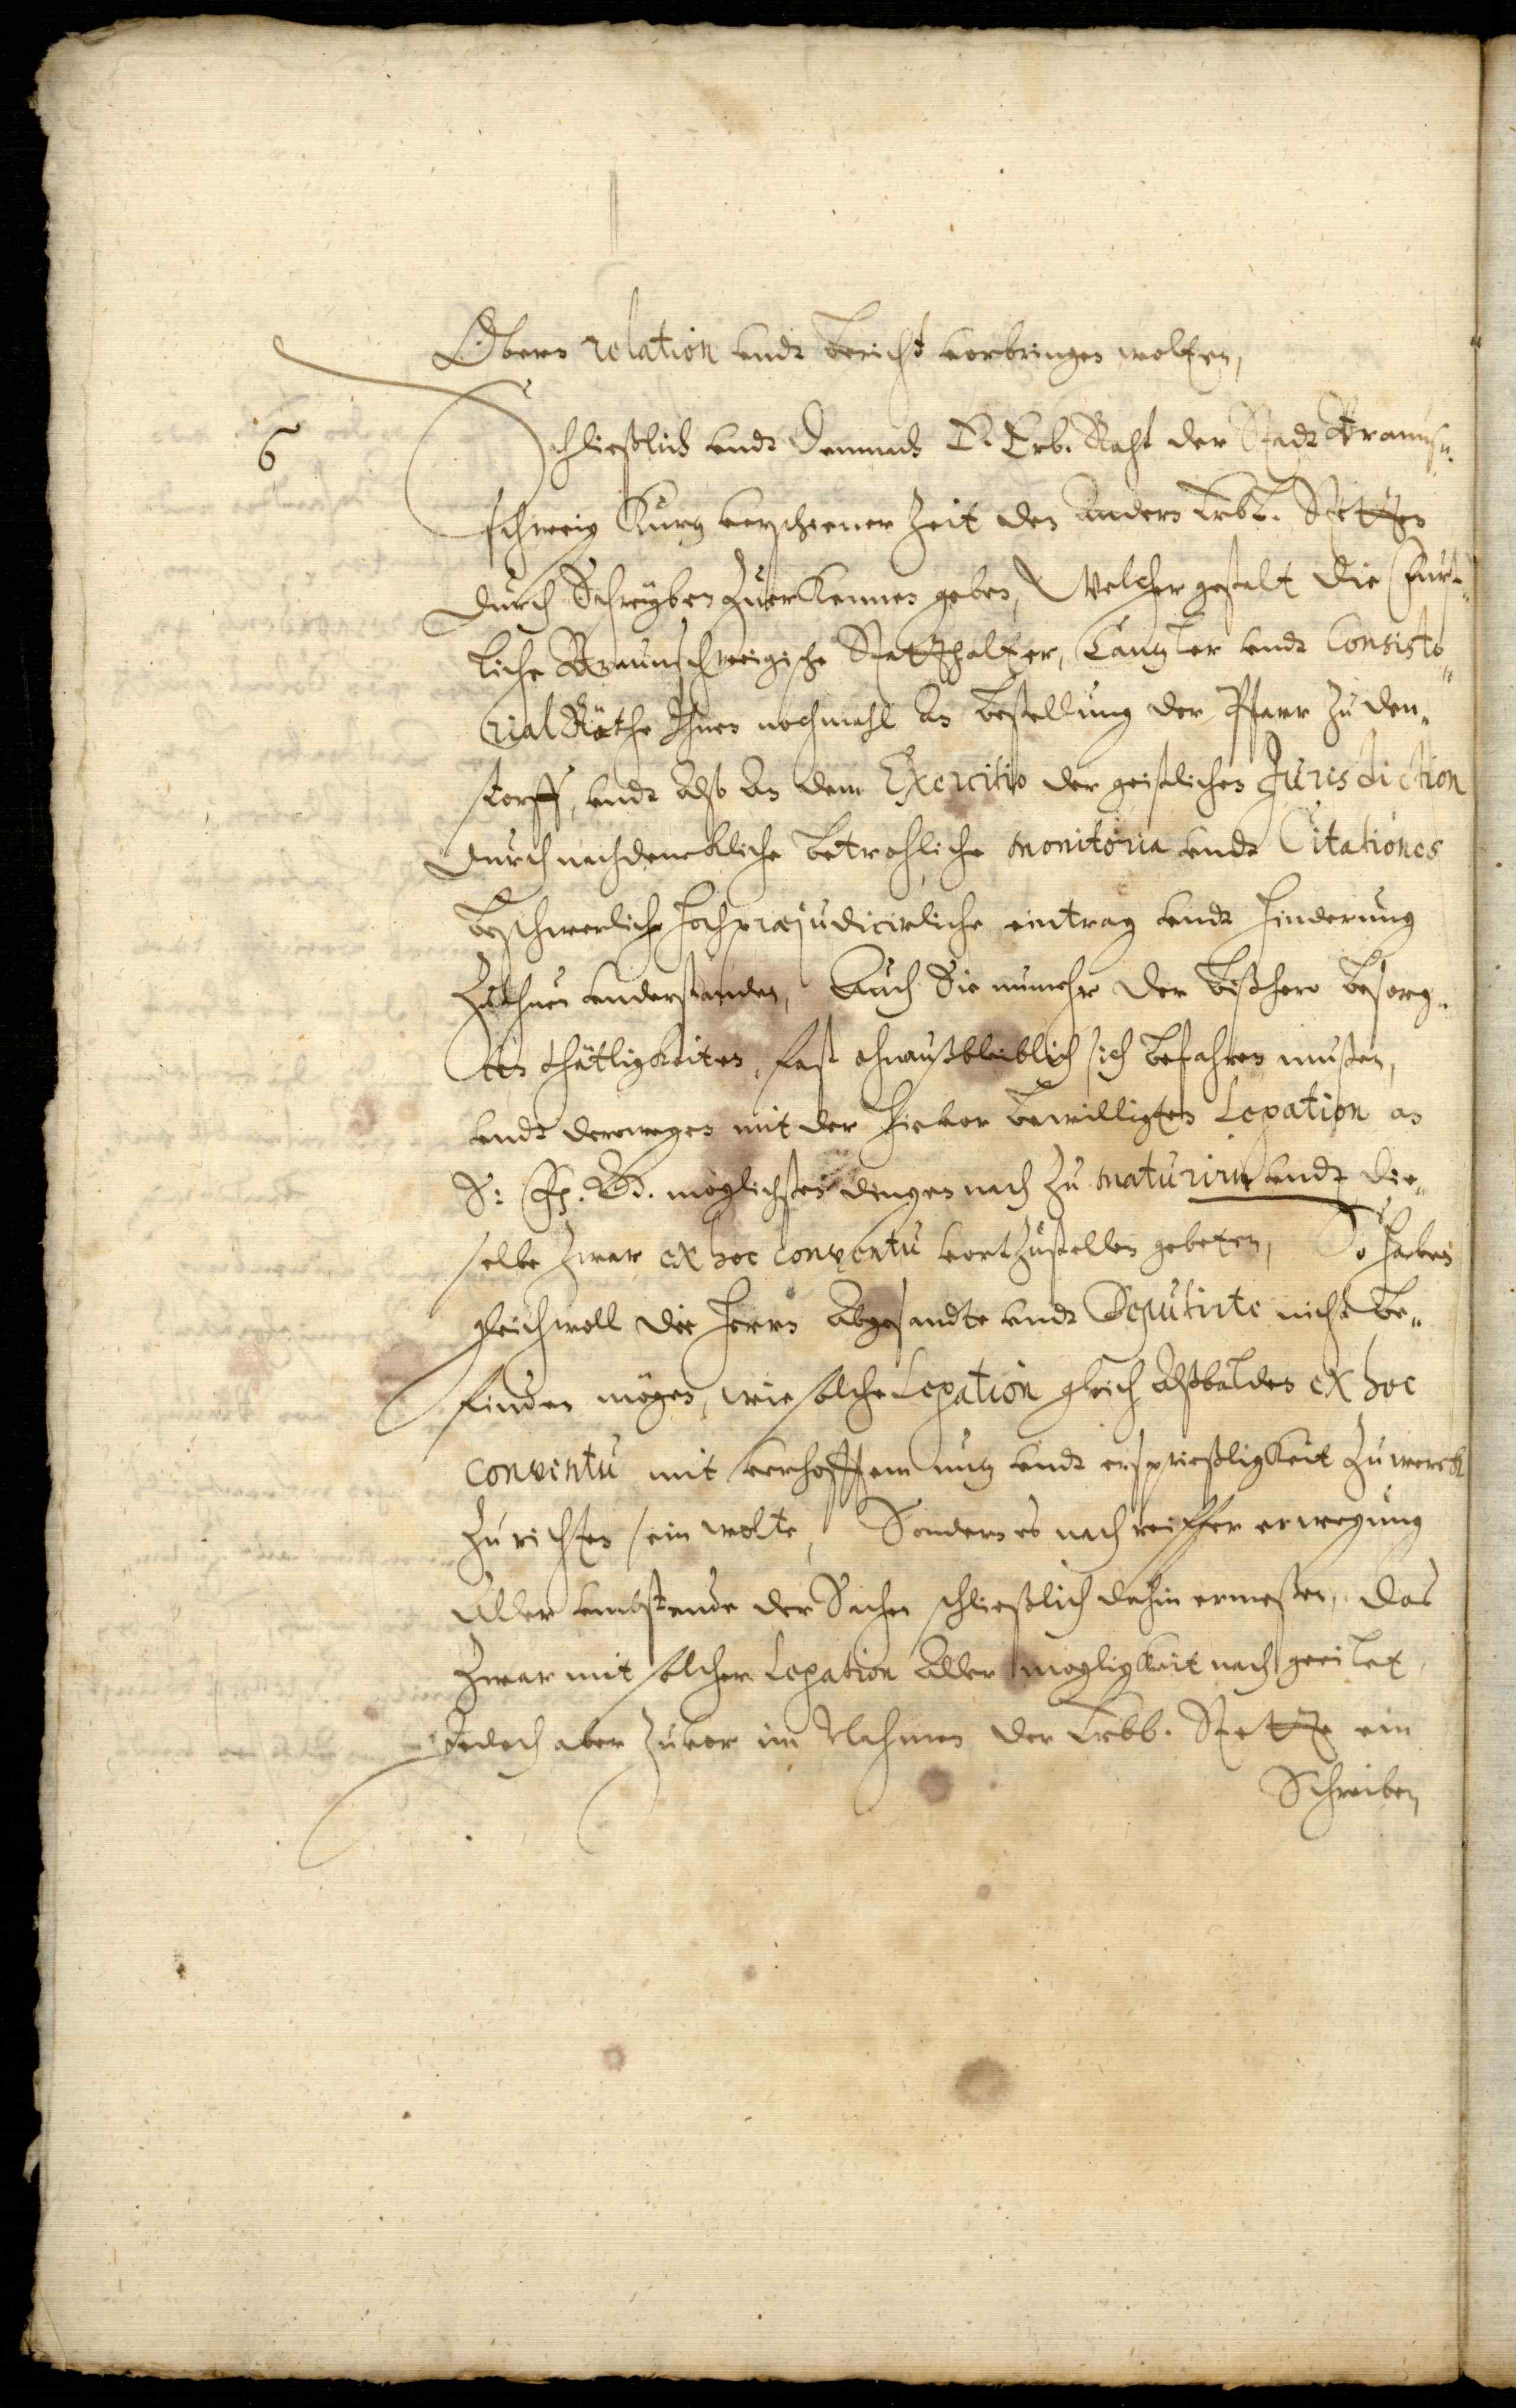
Obern relation vndt bericht vorbringen wolten,
6
Schließlich vndt demnach E. Erb. Raht der Stadt Brauns¬
schweig Kurtz verschiener zeit den andern Erbb. Stetten
durch Schreijben zuerkennen geben, Welcher gestalt die Furst¬
liche Braunschweigische Statthalter, Cantzler vndt Consisto¬
rial Räthe Ihnen nochmahl an bestellung der Pfarr zu Den¬
storff, vndt alß an dem Exercitio der geistlichen Jurisdiction
durch nachdenckliche betrohliche monitoria vndt Citationes
beschwerliche hochpraejudicirliche eintrag vndt hinderung
zuthuen vnderstanden, auch Sie numehr der bißhero besorg¬
ten thätligkeiten, fast ohnaußbleiblich sich befahren mußen,
vndt derowegen mit der hievor bewilligten Legation an
S: Fg. G. möglichsten dingen nach zu maturirn vndt die¬
selbe zwar ex hoc conventu vortzustellen gebeten, So haben
gleichwoll die Herrn abgesandte vndt Deputirte nicht be¬
finden mögen, wie solche Legation gleich Alßbalden ex hoc
conventu mit verhofftem nutz vndt ersprießligkeit zu werck
zu richten sein wolte, Sondern es nach reiffer erwegung
Aller vmbstende der Sachn schließlich dahin ermeßen, das
zwar mit solcher Legation Aller mogligkeit nach geeilet,
jedoch aber zuvor im Nahmen, der Erbb. Stette ein
Schreiben
